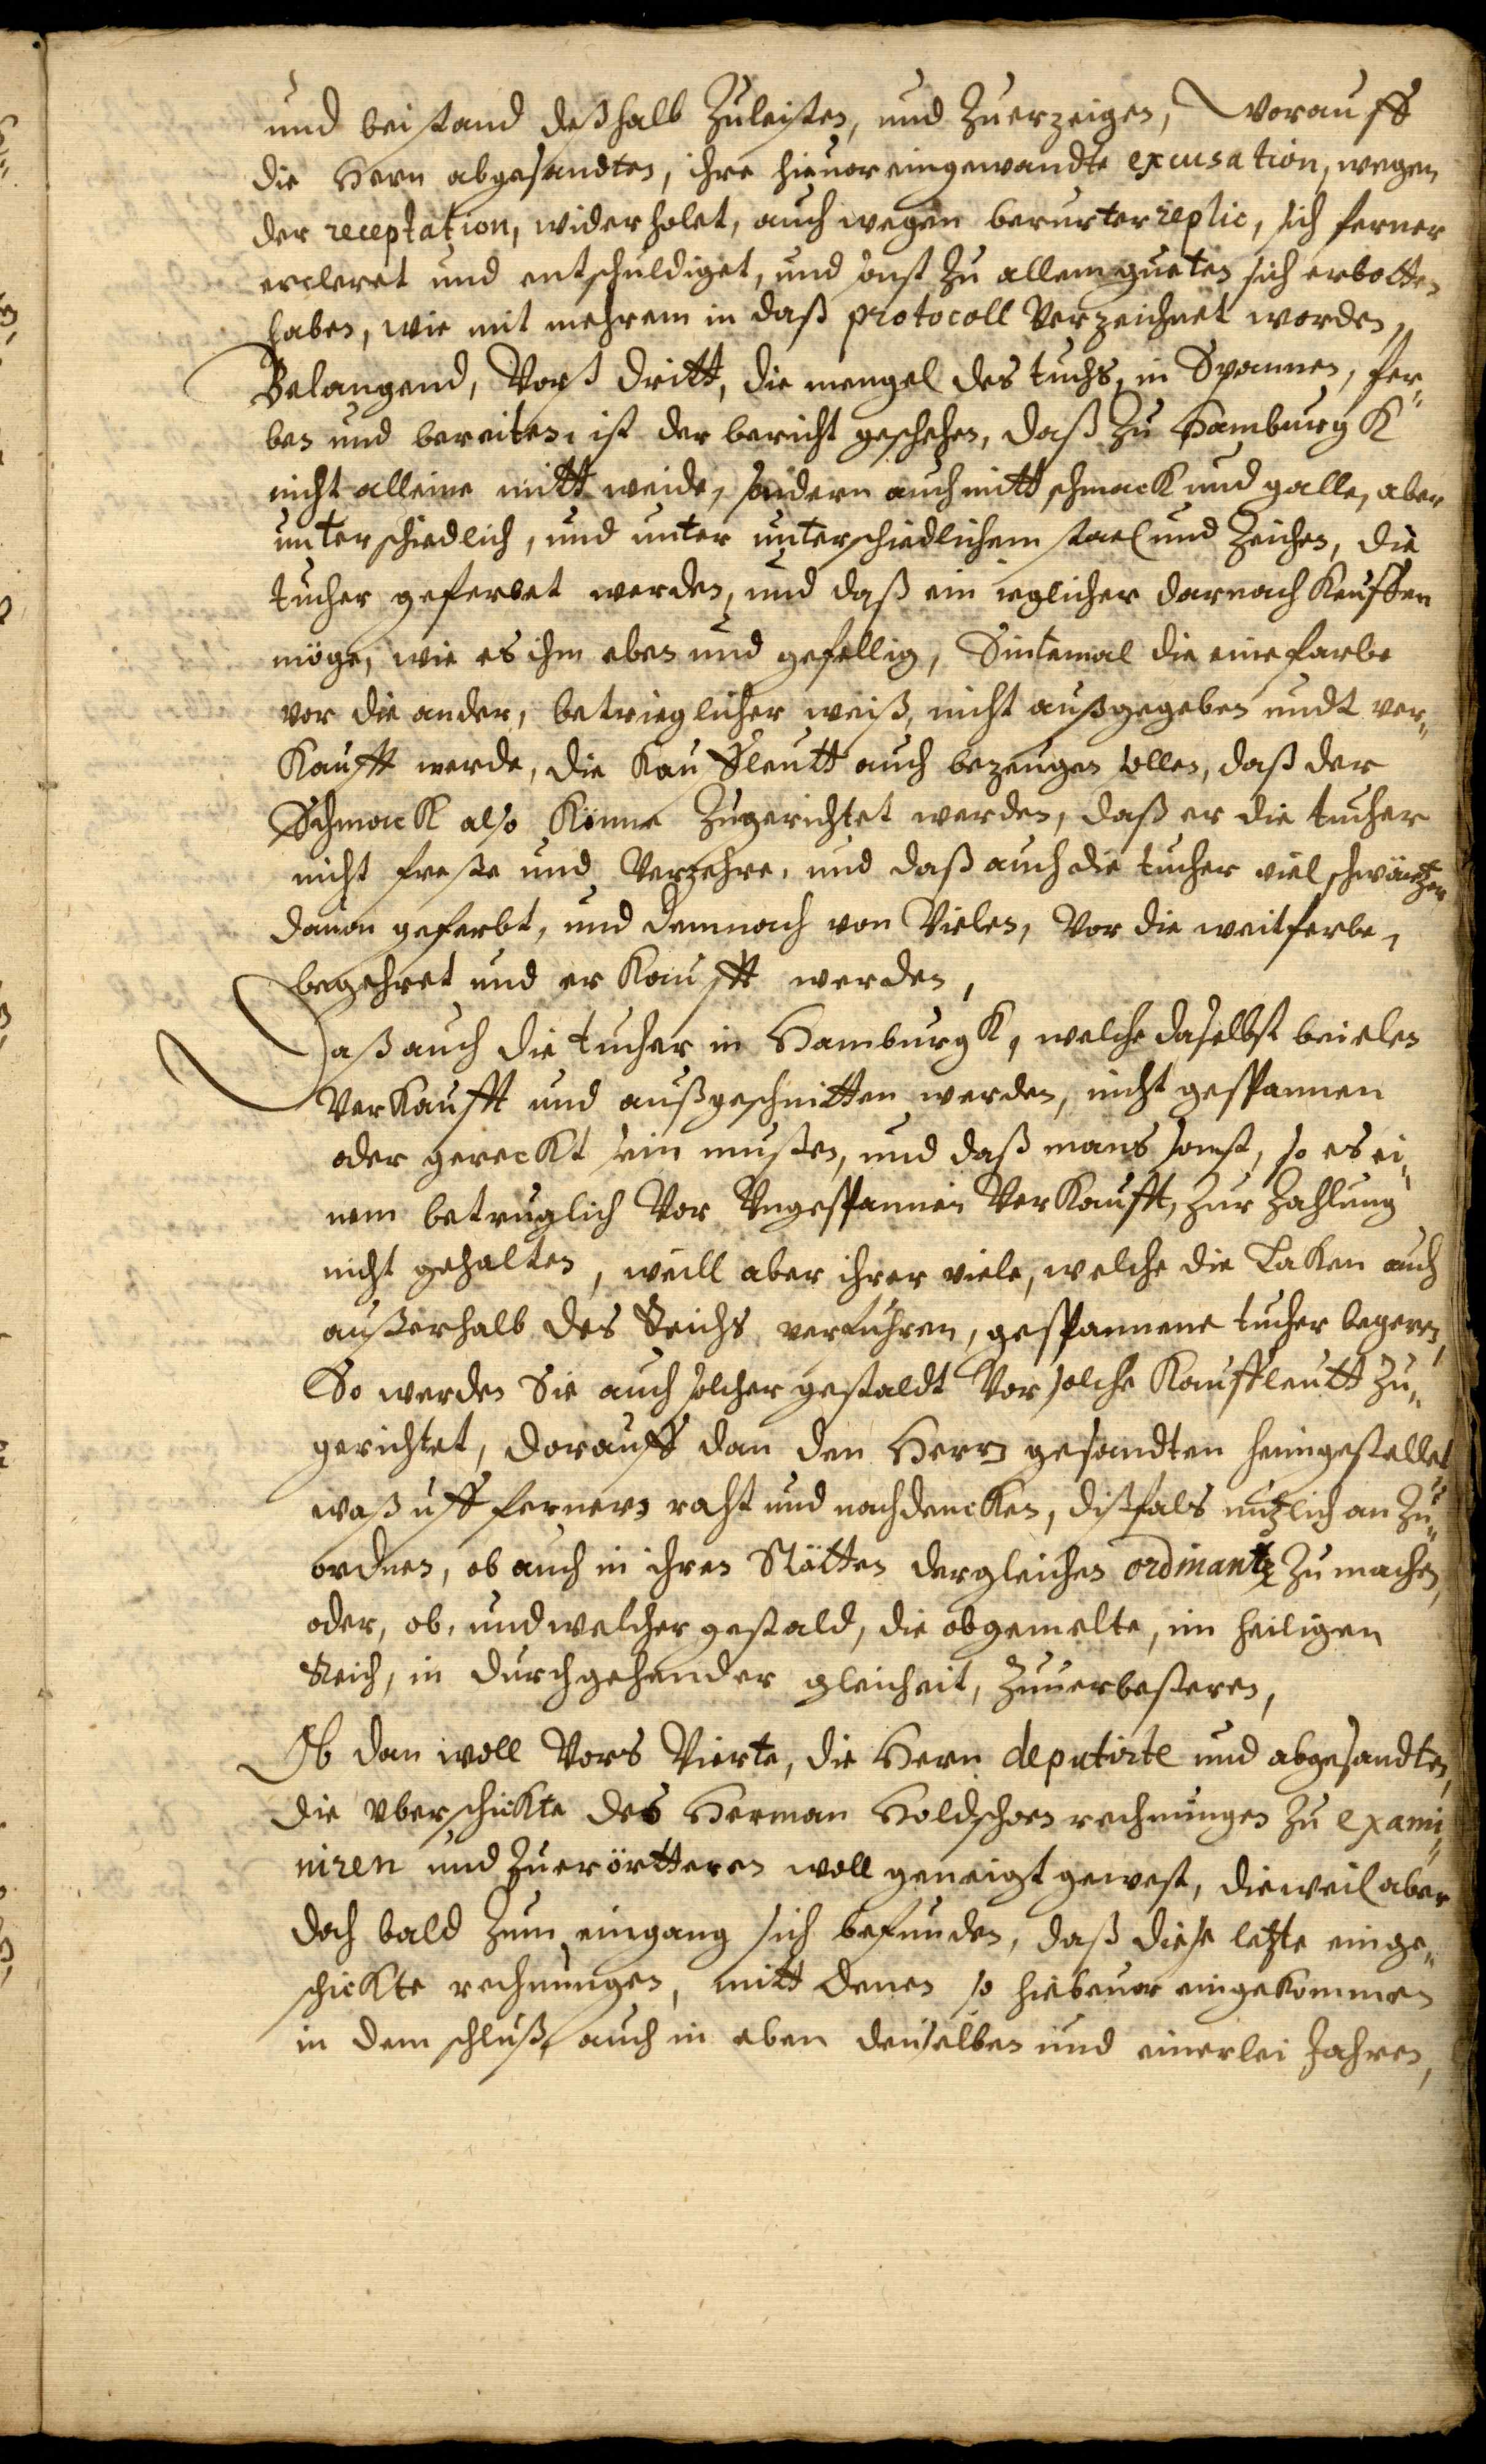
und beistand deßhalb zuleisten, und zu erzeigen, worauff
die Hern abgesandten, ihre hievor eingewandte excusation, wegen
der receptation, widerholet, auch wegen berurter replic, sich ferner
ercleret und entschuldiget, und sonst zu allem gueten sich erbotten
haben, wie mit mehrem in daß protocoll verzeichnet worden,
Belangend, Vors dritt, die mengel des tuchs, in Spannen, fer¬
ben und bereiten, ist der bericht geschehen, daß zu Hamburgk
nicht alleine mitt weide, sondern auch mitt schmack und galle, aber
unterschiedlich, und unter unterschiedlichem stael und Zeichen, die
tucher geferbet werden, und daß ein ieglicher darnach keuffen
möge, wie es ihm eben und gefellig, Sintemal die eine farbe
vor die ander, betrieglicher weiß, nicht außgegeben undt ver¬
kaufft werde, die Kauffleutt auch bezeugen sollen, daß der
Schmack also Könne Zugerichtet werden, daß er die tucher
nicht freße und verzehre, und daß auch die tucher viel schwärtzen
dauon geferbt, und demnach von Vielen, vor die weitferbe,
begehret und erkauftt werden,
Daß auch die tucher in Hamburgk, welche daselbst bei elen
verkaufft und außgeschnitten werden, nicht gespannen
oder gereckt sein mußen, und daß mans sonst, so es ei¬
nem betruglich vor vngespannen verkaufft, zur Zahlung
nicht gehalten, weill aber ihrer viele, welche die Laken auch
außerhalb des Reichs verfuhren, gespannene tucher begeren,
So werden Sie auch solcher gestaldt vor solche Kauffleutt zu¬
gerichtet, dorauff dan den Herrn gesandten heimgestellet,
waß uff fernern raht und nachdencken, dißfals nutzlich an zu¬
ordnen, ob auch in ihren Stätten dergleichen ordinantz zu machen,
oder, ob, und welcher gestald, die obgemelte, im heiligen
Reich, in durchgehender gleicheit, zuuerbeßeren,
Ob dan woll vors Vierte, die Hern deputirte und abgesandten,
die vberschickte des Herman Holdschoen rechnungen zu exami¬
niren und zu erörtteren woll geneigt gewest, dieweil aber
doch bald zum eingang sich befunden, daß diese letzte einge¬
schickte rechnungen, mitt denen so hiebeuor eingekommen
in dem schluß, auch in eben denselben und einerlei Jahren,
